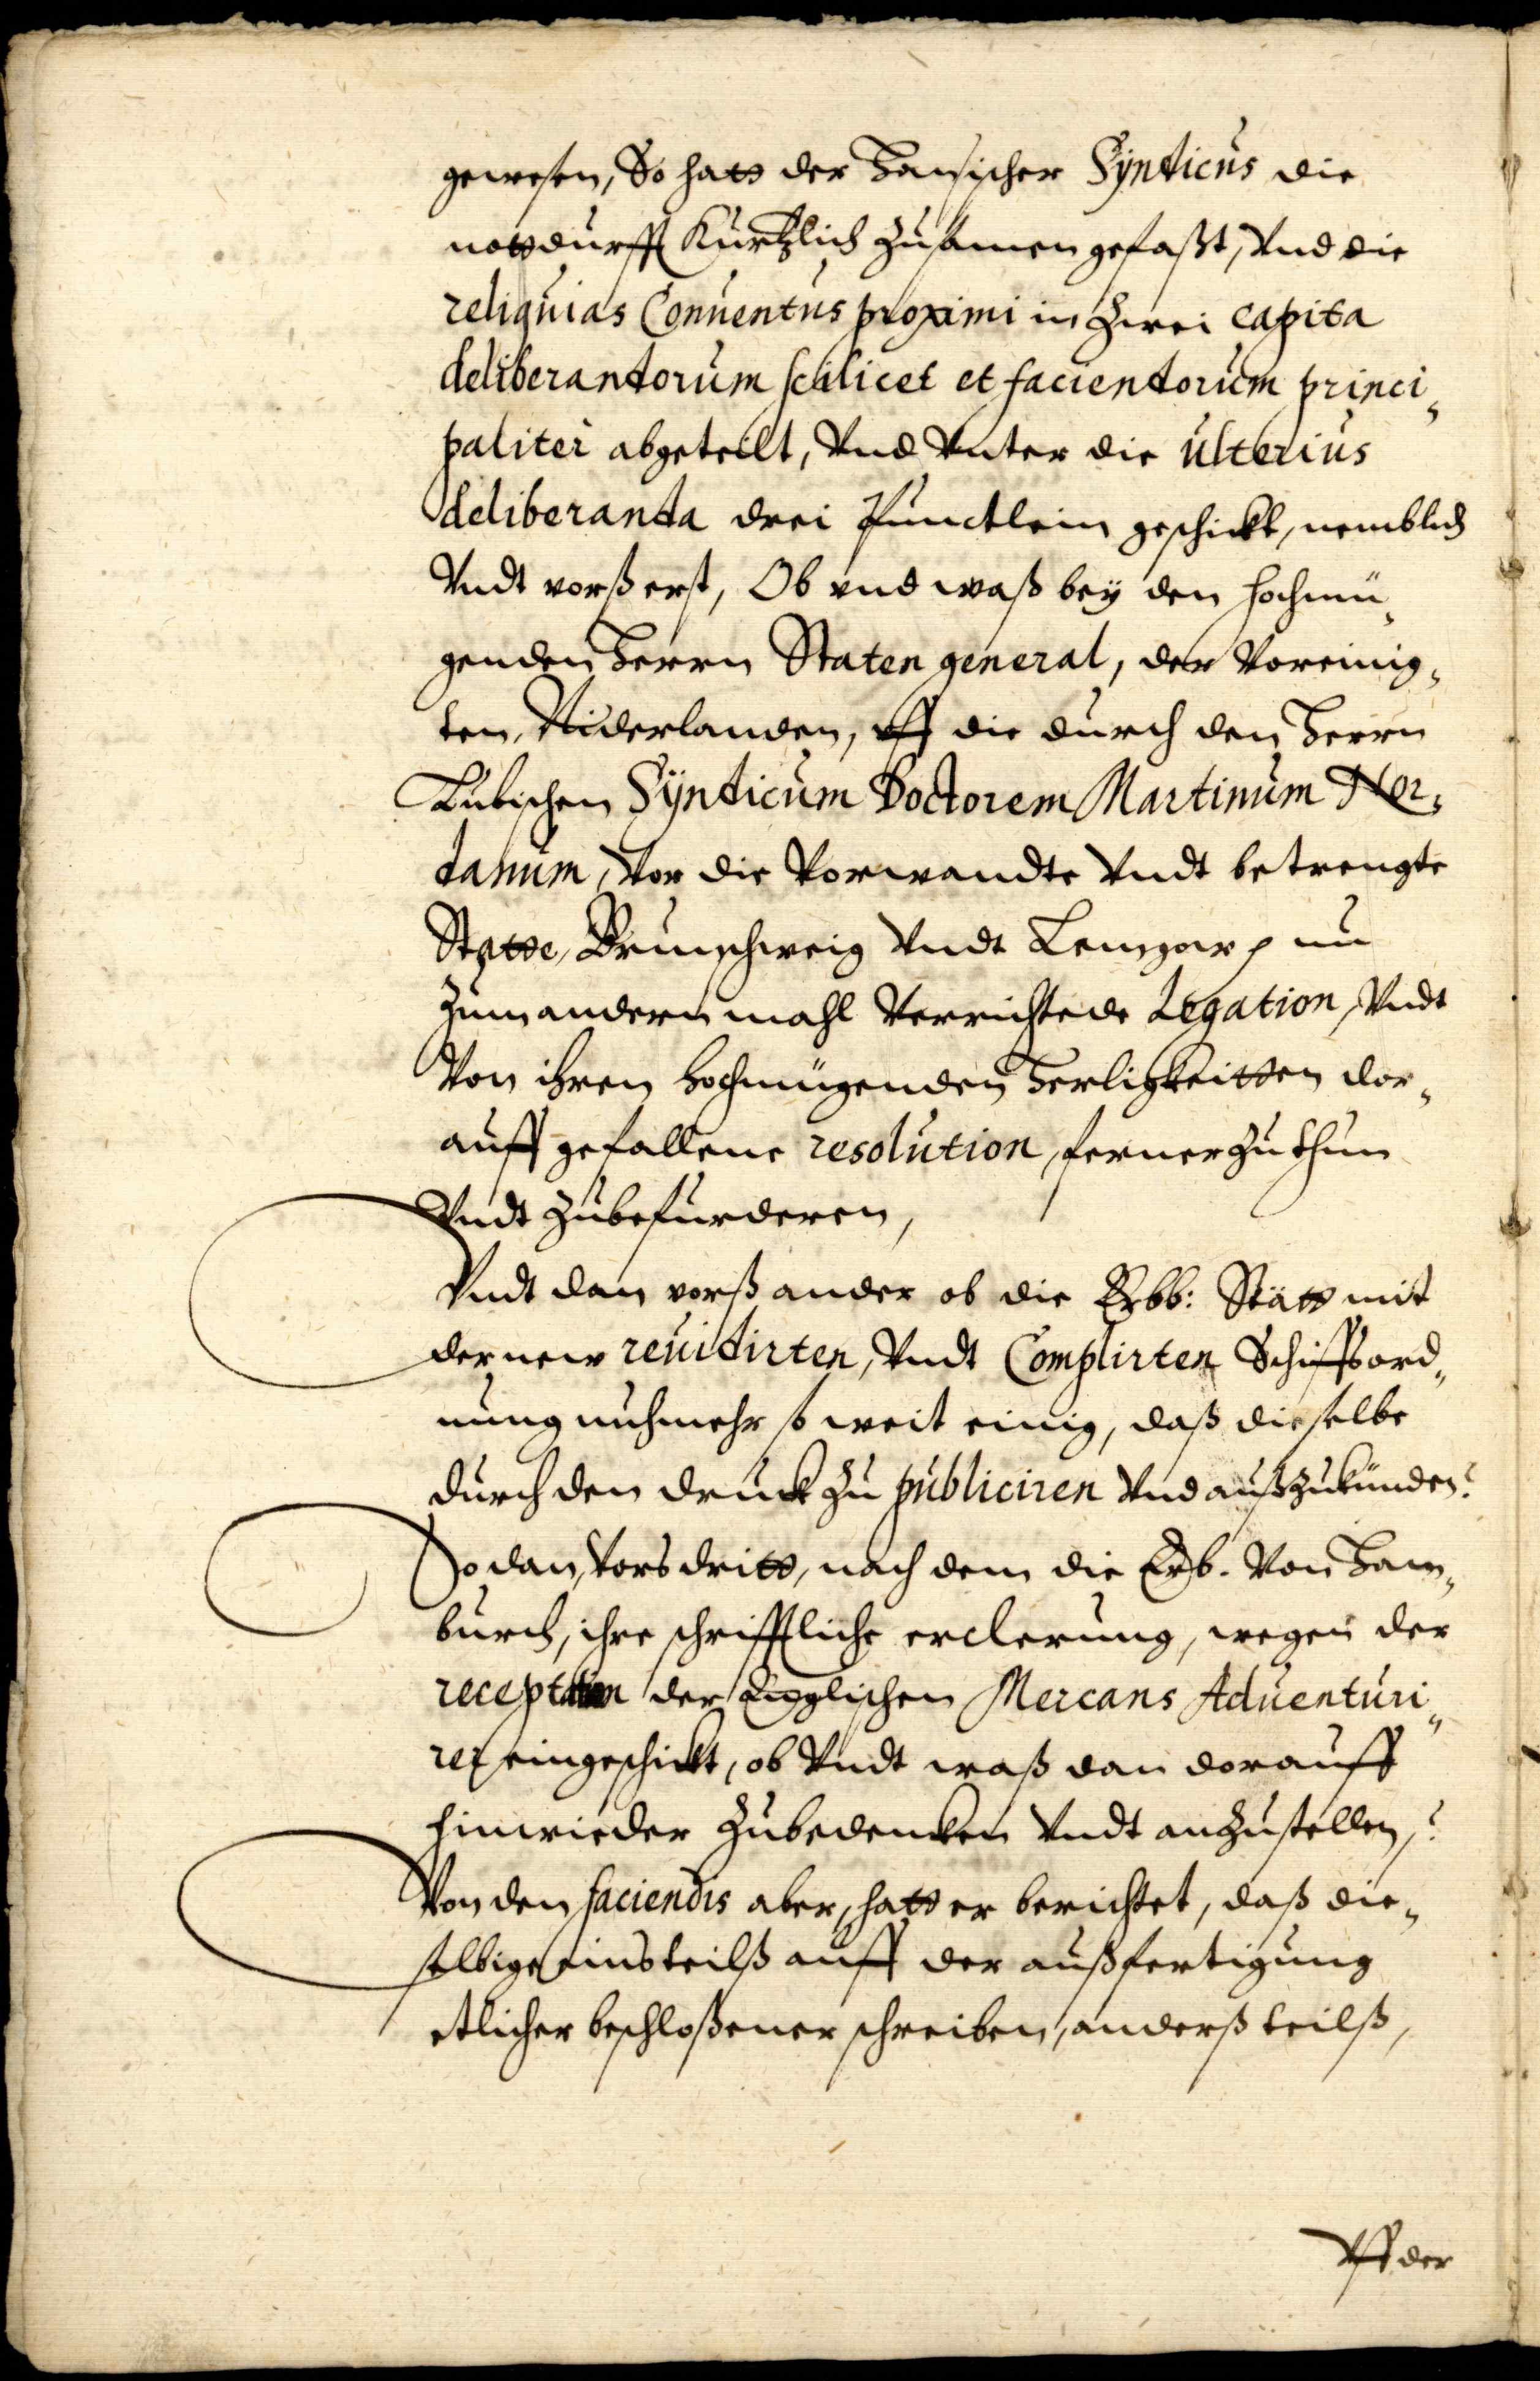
gewesen, So hatt der hansischer Sijndicus die
nottdurff kurtzlich zusamen gefaßt, vnd die
reliquias Conventus proximi in zwei capita
deliberandorum scilicet et faciendorum princi¬
paliter abgeteilt, Vnd vnter die ulterius
deliberanda drei Punctlein geschickt, nemblich
Vndt vorßerst, Ob vnd waß beij den hochmü¬
genden Herrn Staten general, der Voreinig¬
ten, Niderlanden, vff die durch den Herrn
Lubischen Sijndicum Doctorem Martinum Nor¬
danium, Vor die Vorwandte vndt betrengte
Statte, Brunschweig Vndt Lemgow p um
zum andern mahl verrichtede Legation, vndt
Von ihren hochmügenden herligkeitten dor¬
auff gefallene resolution, ferner zu thun
vndt zubefurderen,
Vndt dan vorß ander ob die Erbb: Stätt mit
der new reuidirten, Vndt Complirten Schiffsord¬
nung nuhmehr soweit einig, daß dieselbe
durch den druck zu publiciren vnd außzukünden;
So dan, Vors dritt, nach dem die Erb. Von Ham¬
burch, ihre schrifftliche erclerung, wegen der
receptation der Englischen Mercans Aduenturi¬
rer eingeschickt, ob Vndt waß dan dorauff
hinwieder zubedencken vndt anzustellen,?
Von den faciendis aber, hatt er berichtet, daß die¬
selbige einsteilß auff der außfertigung
etlicher beschloßener schreiben, anderß teilß,
vff der
